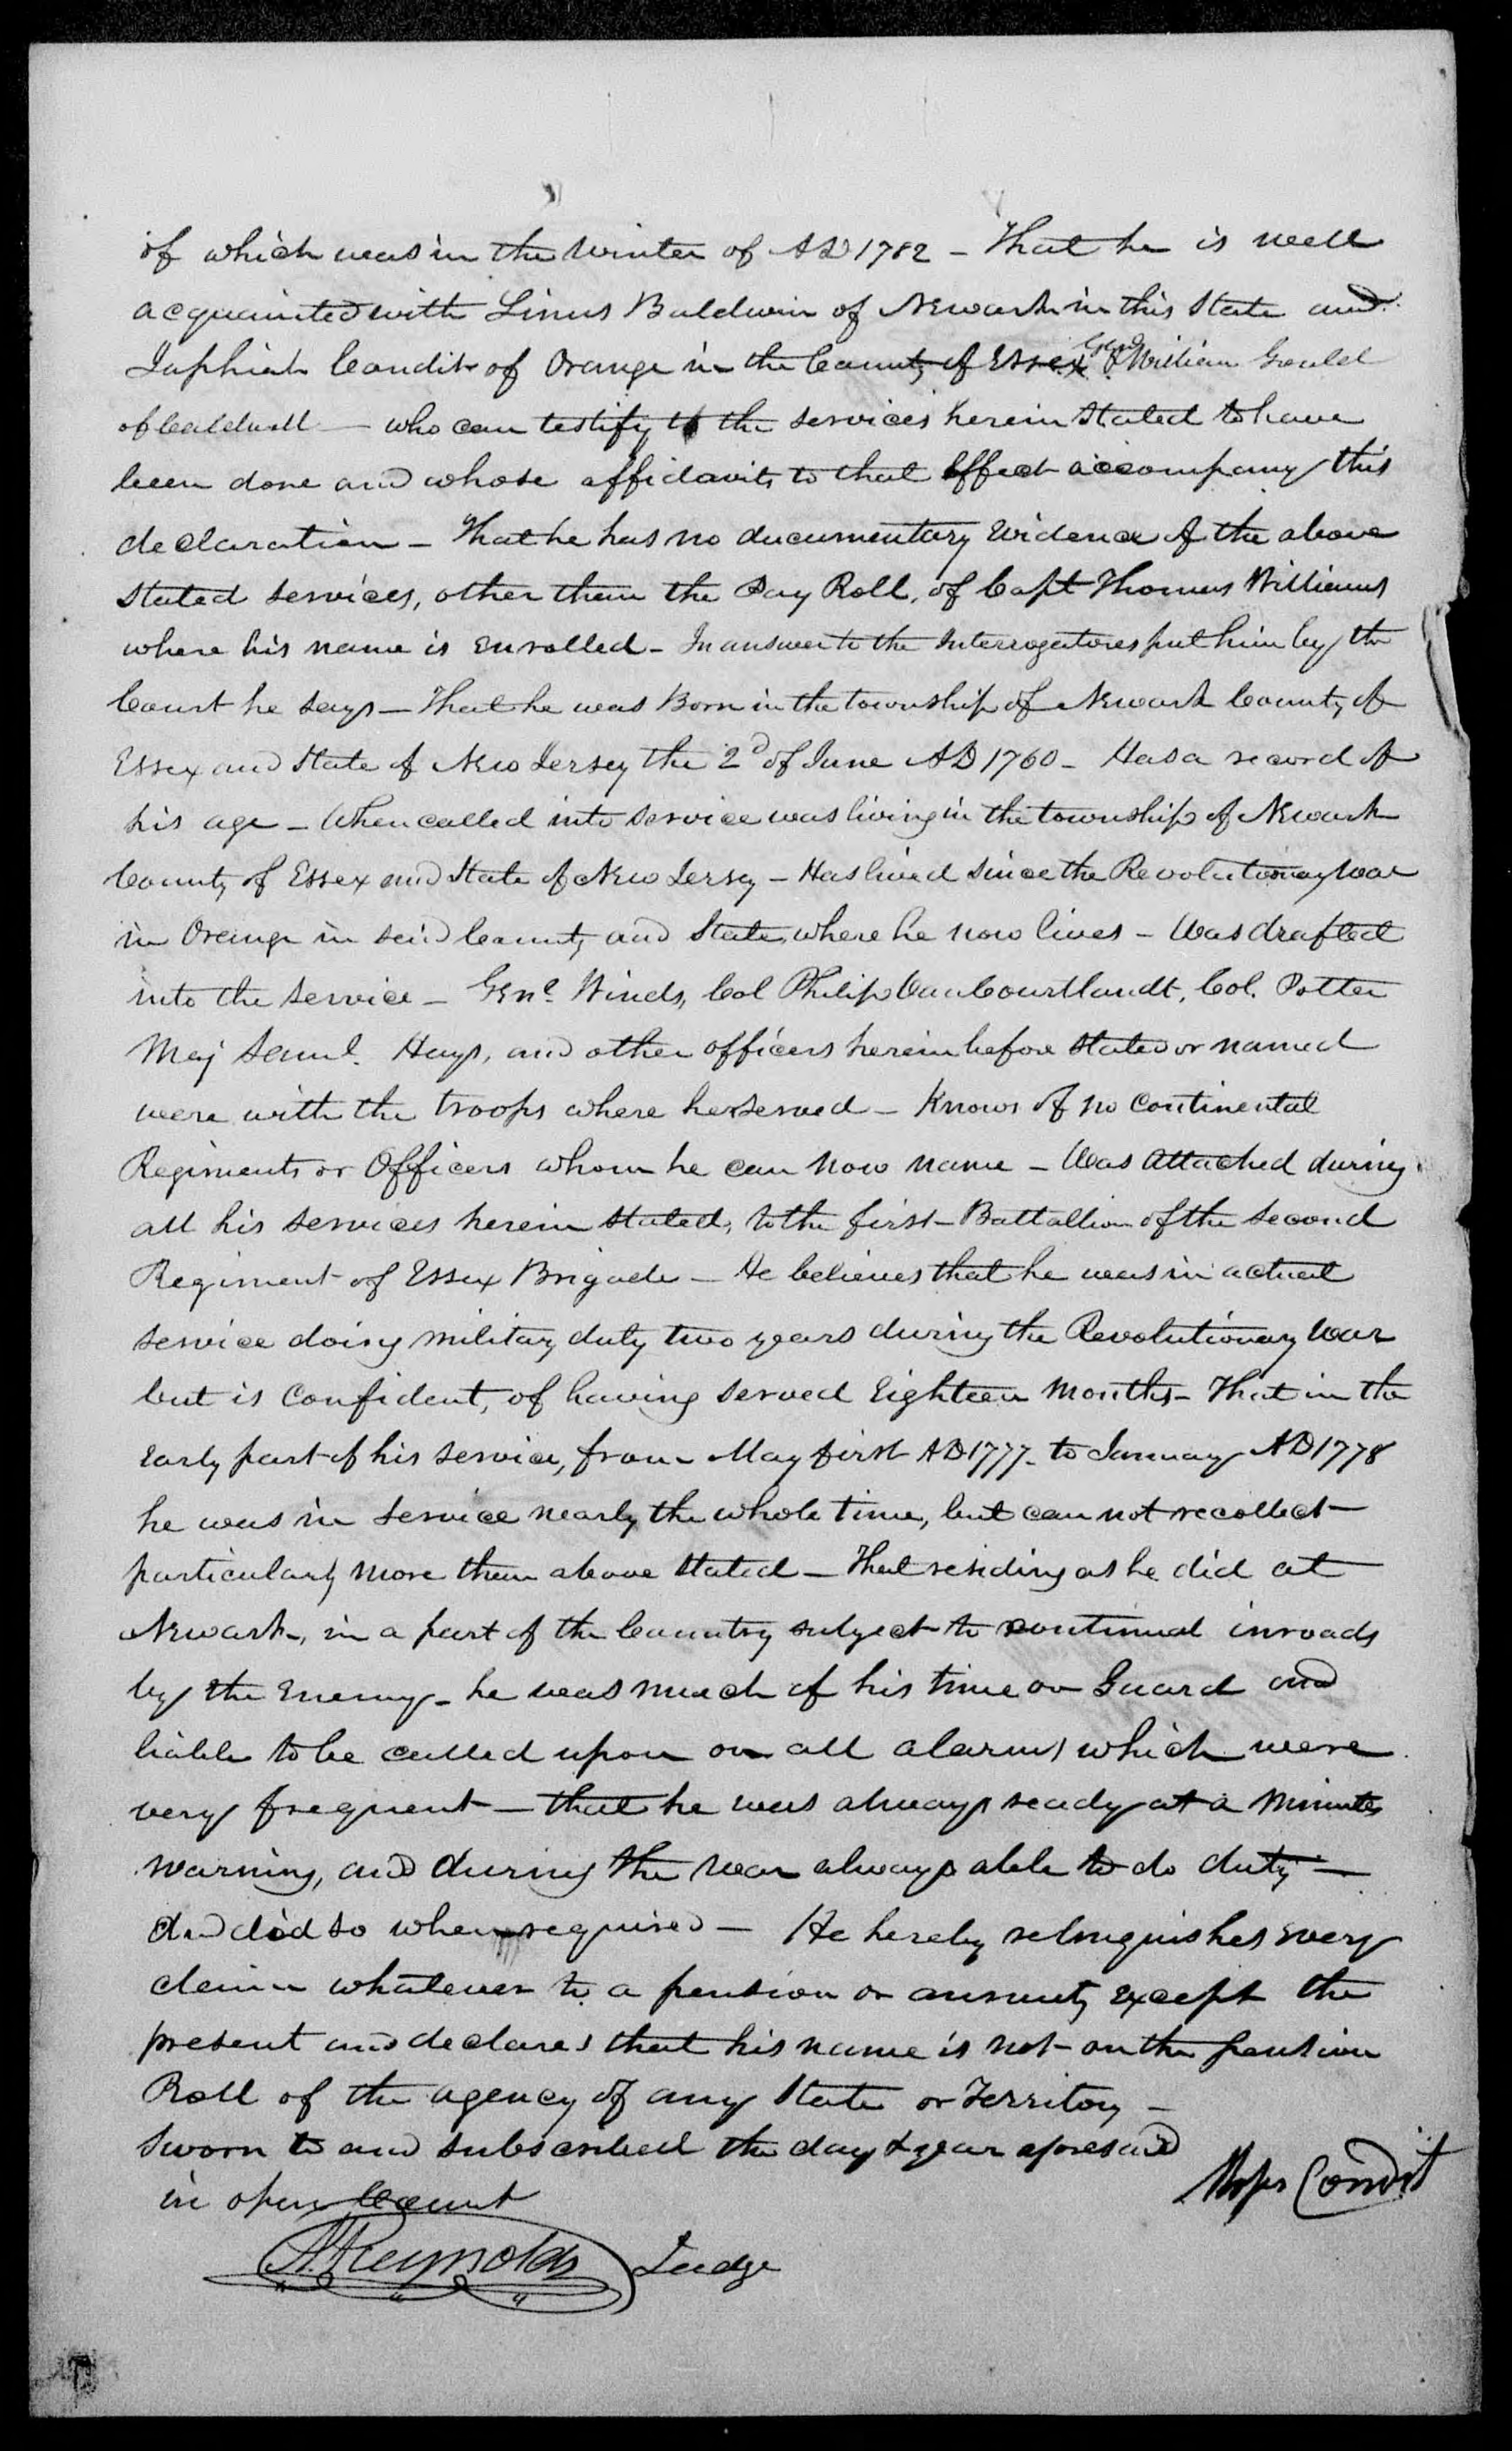of which was in the winter of AD 1782. That he is well acquainted with Linus Baldwin of Newark in this State and Jophiah Condit of Orange in the County of  of Essex.  Genl William Gould of Caldwell -- who can testify to the services herein stated to have been done and whose affidavits to that effect accompany this declaration - That he has no documentary evidence of the above stated services, other than the Pay Roll of Capt Thomas Williams
where his name is enrolled-- In answer to the Interrogatories put him by the Court he says - that he was born in the township of Newark County of Essex and State of New Jersey the 2d of June AD 1760, as a record of his age-- when called into service was living in the township of Newark County of Essex and State of New Jersey - Has lived since the  Revolutionary War in Orange in said County and State, where he now lives-- was drafted
into the service - Genl Winds, Col Philip Van Courtlandt, Col. Potter Maj Saml Hays, and other officers herein before stated or named
were with the troops where he served,-- knows of no continental Regiments or officers whom he can now name-- Was attached during
all his services herein stated, to the first Battallion of the second Regiment of Essex Brigade. He believes that he was in actual
service doing military duty two years during the Revolutionary war but is confident, of having served Eighteen months- That in the
early part of his service, from May first AD 1777. to January AD 1778 he was in service nearly the whole time, but can not recollect
particularly more then above stated - That residing as he did at Newark, in a part of the Country subject to continual inroads by the enemy - he was much of his time on guard and liable to be called upon on all alarms which were very frequent- that he was always ready at a minutes warning, and during the war always able to do duty--and did so when required - He hereby relinquishes every
claim whatever to a pension or annuity except the present and declares that his name is not on the pension Roll of the agency of any State or Territory
Moses Condit
Sworn to and subscribed the day & year aforesaid in open Court
A/ Reynolds Judge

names: Saml Hays, Potter, A Reynolds, Moses Condit, Winds, Japhiah Condit, Philip Van Courtlandt, Thomas Williams, William Gould, Linus Baldwin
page: 5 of 23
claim: survivor's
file: S. 3212, Moses Condit, New Jersey